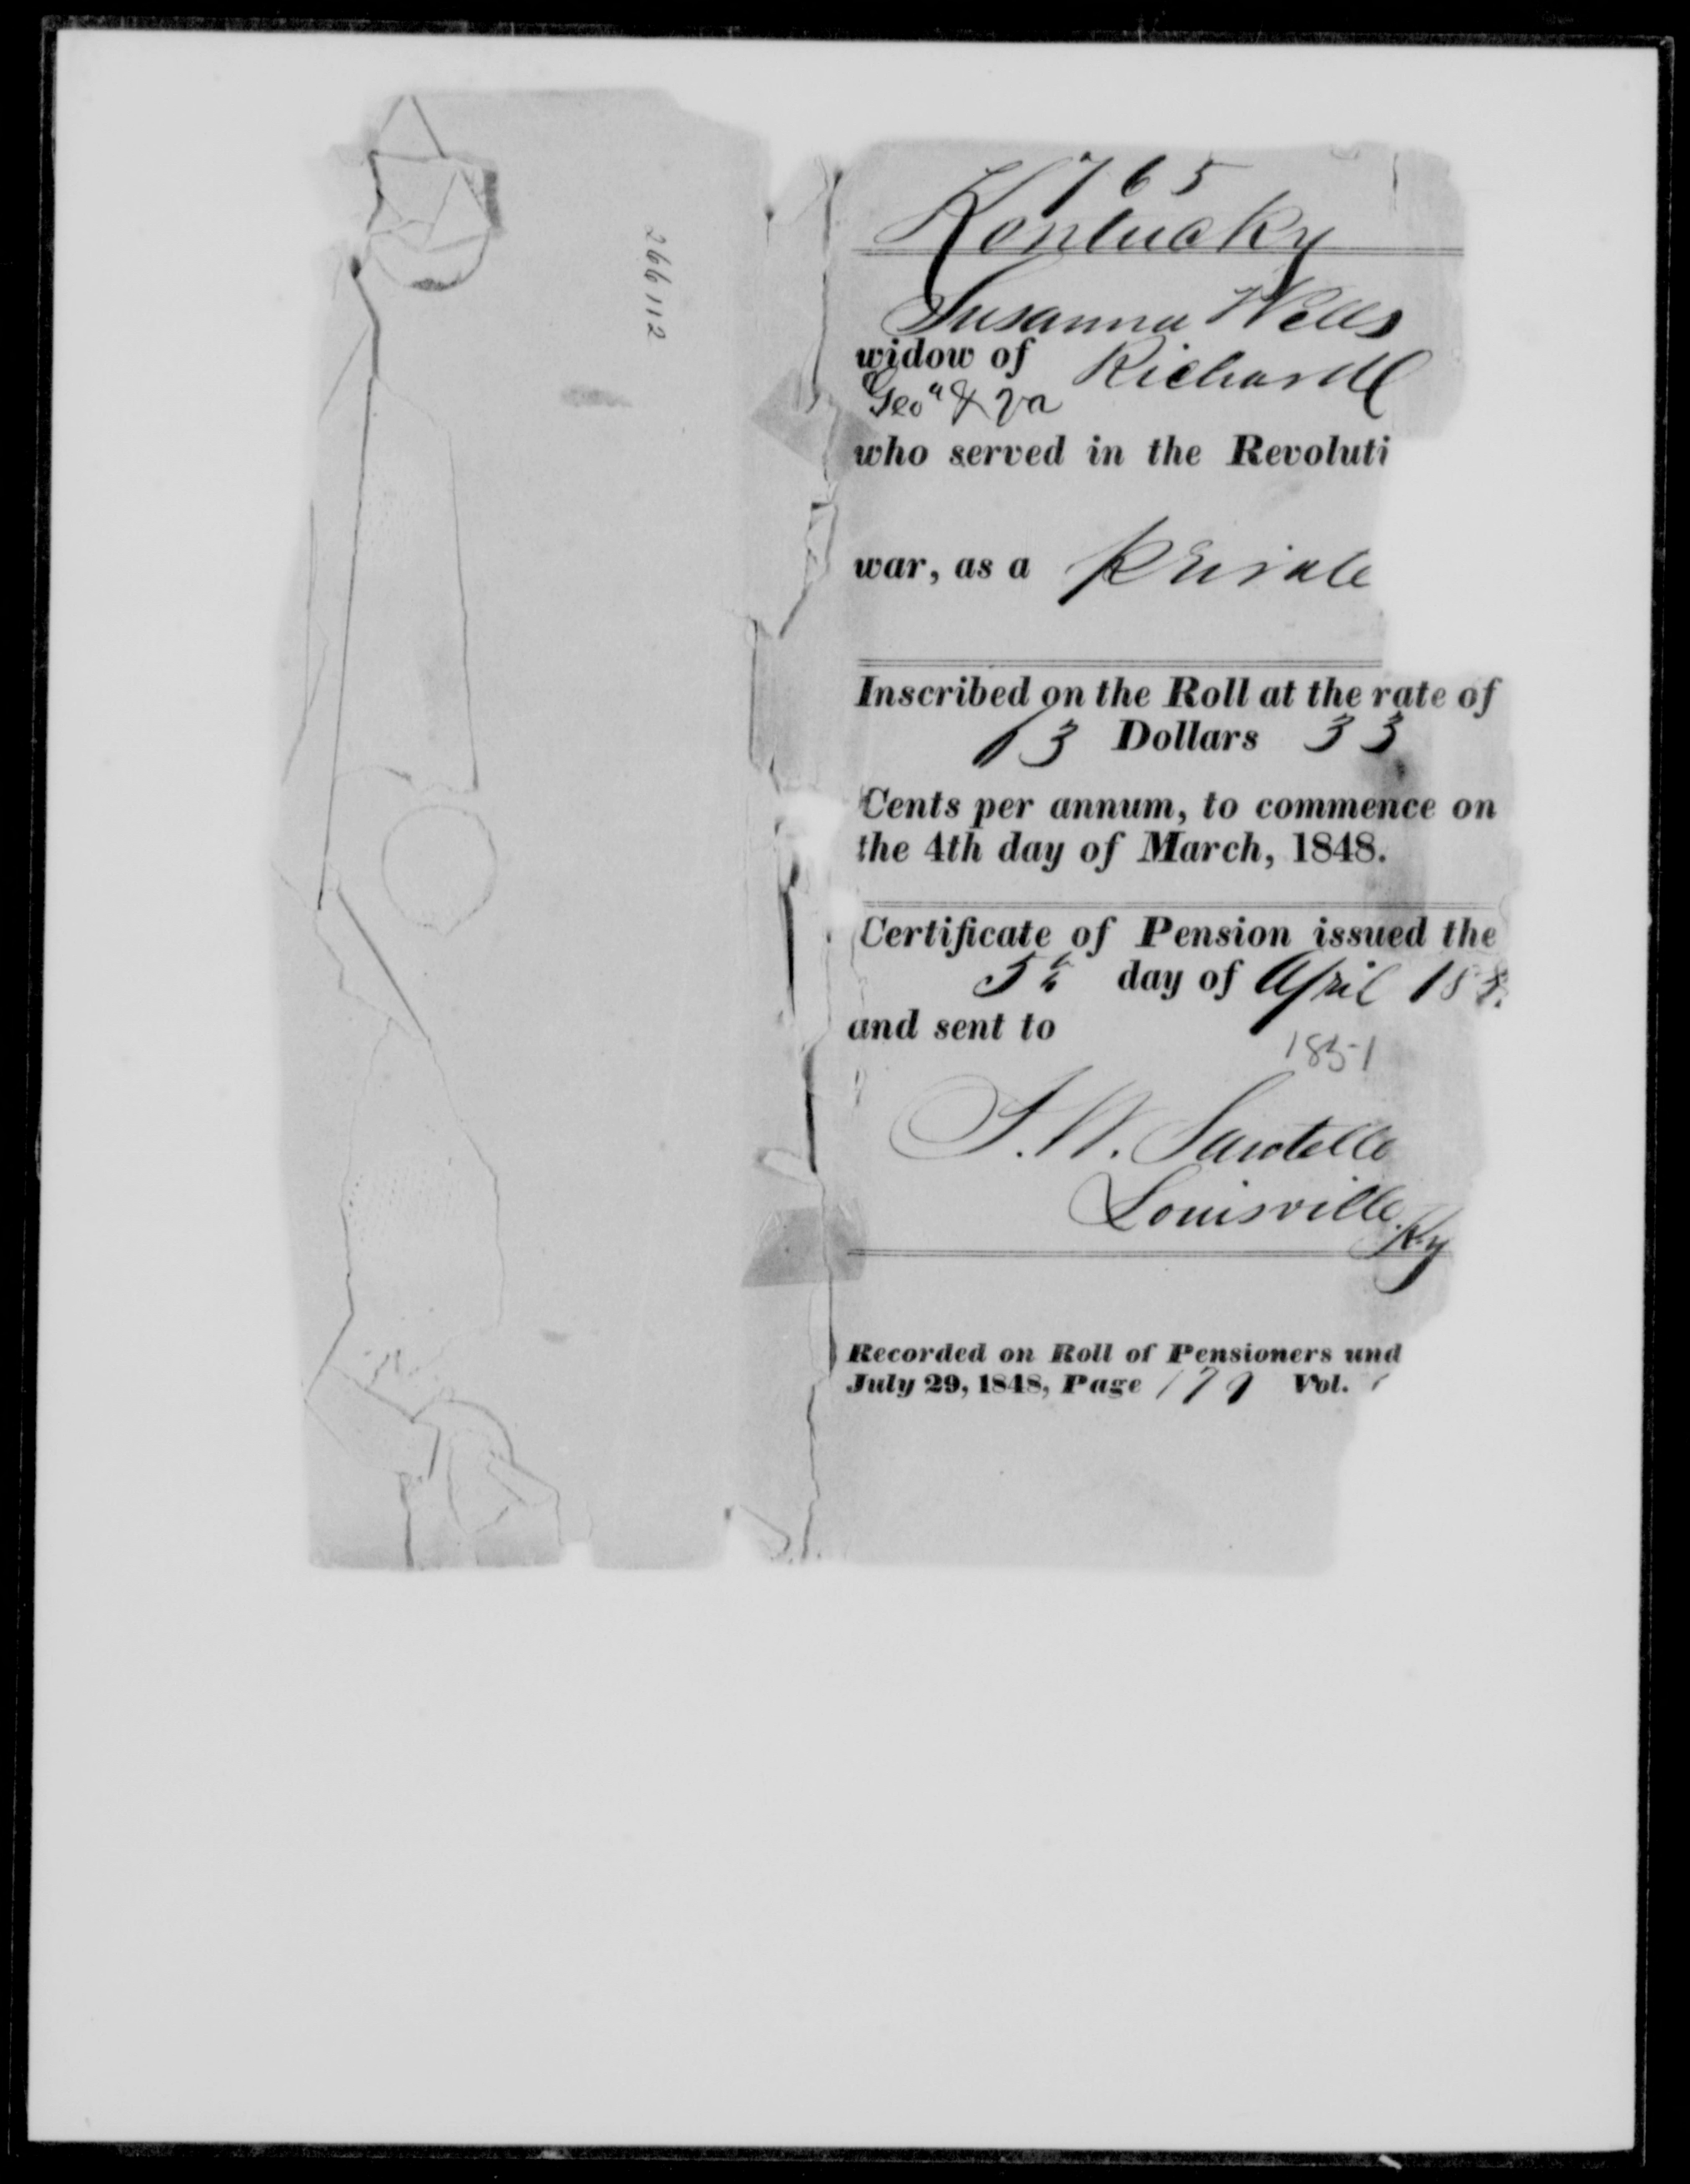765
Kentucky
Susanna Wells
widow of Richard
Geo & Va
who served in the Revolut (ionary)
war, as a private

Inscribed on the Roll at the rate of
63 Dollars 33,
Cents per annum, to commence on
the 4th day of March, 1848.

Certificate of Pension issued the
5th day of April 18 ? (1851)
and sent to
J. W. Sarotelle
Louisville, Ky

Recorded on Roll of Pensioners and
July 29, 1848, Page 179 Vol.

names: J W Sawtelle, Richard Wells, Susanna Wells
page: 2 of 100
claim: widow's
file: W. 6437, Richard Wells, Ga Va.